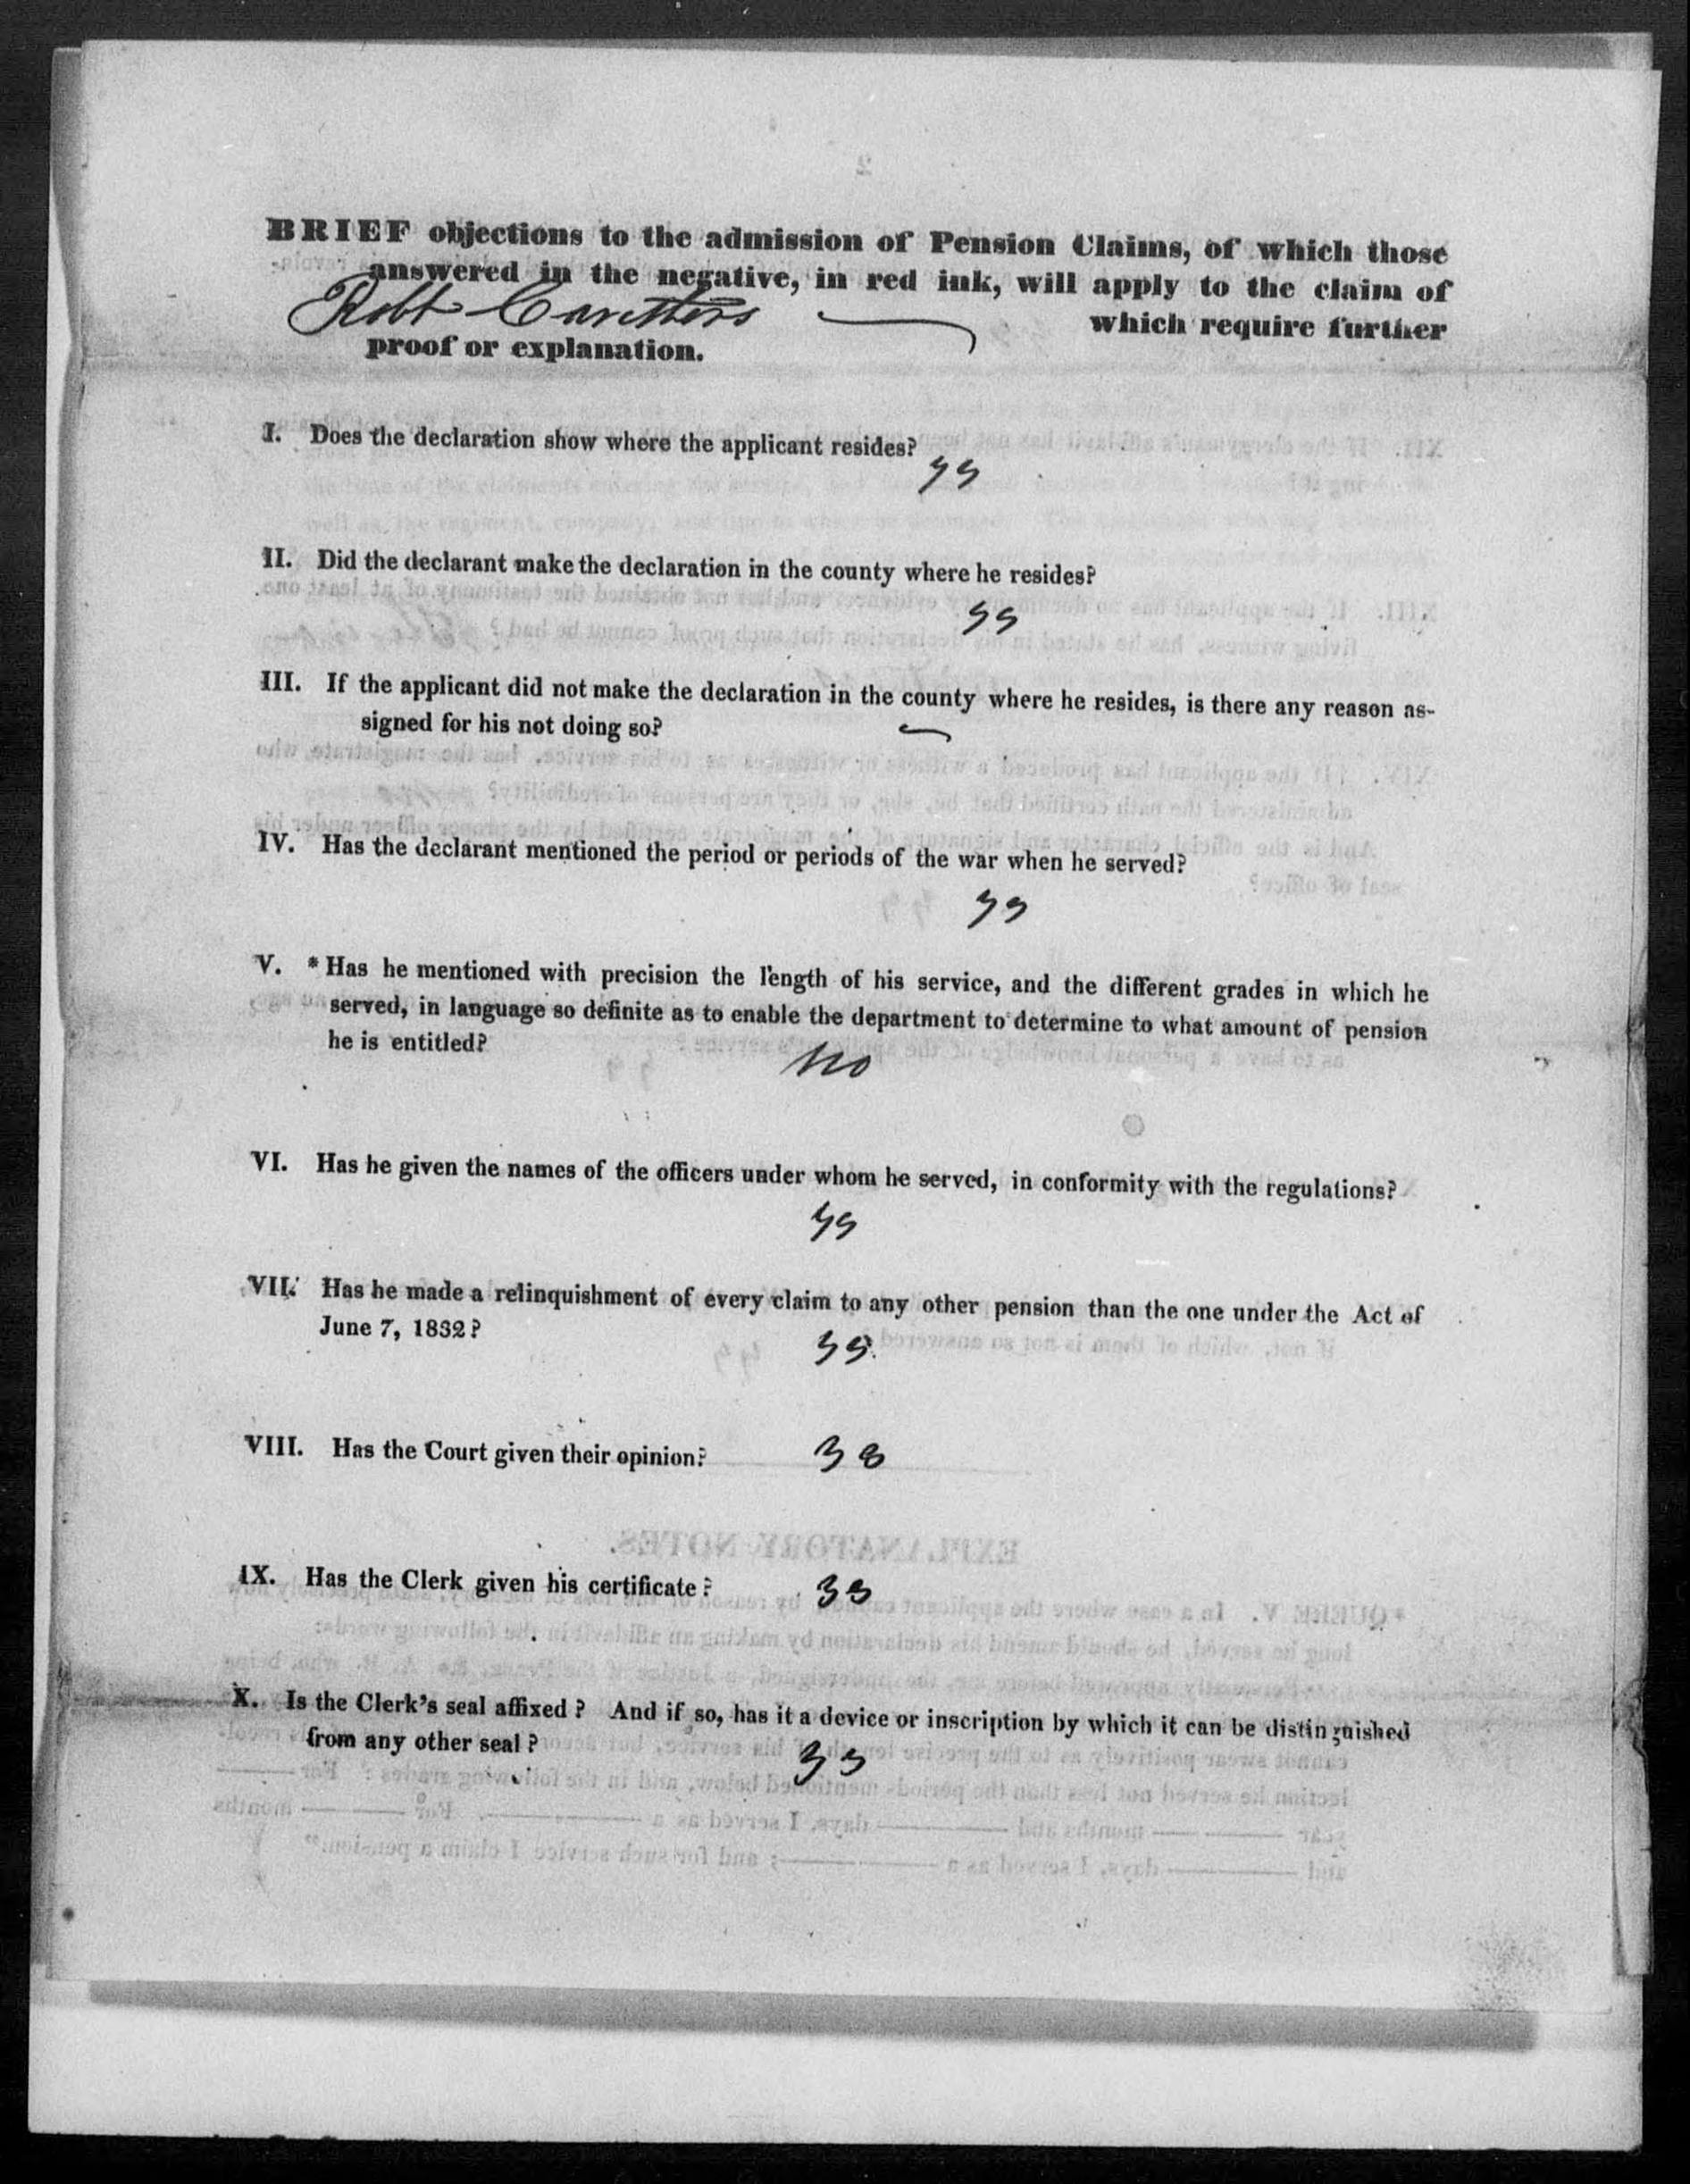BRIEF objections to the admission of Pension Claims, of which those answered in the negative, in red ink, will apply to the claim of Robt Carithers which require further proof or explanation.
I. Does the declaration show where the applicant resides?
II.  Did the declarant make the declaration in the county where he resides?
III.  If the applicant did not make the declaration in the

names: Robt Carithers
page: 21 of 33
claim: widow's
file: W. 23779, Robert Carithers, S.C.